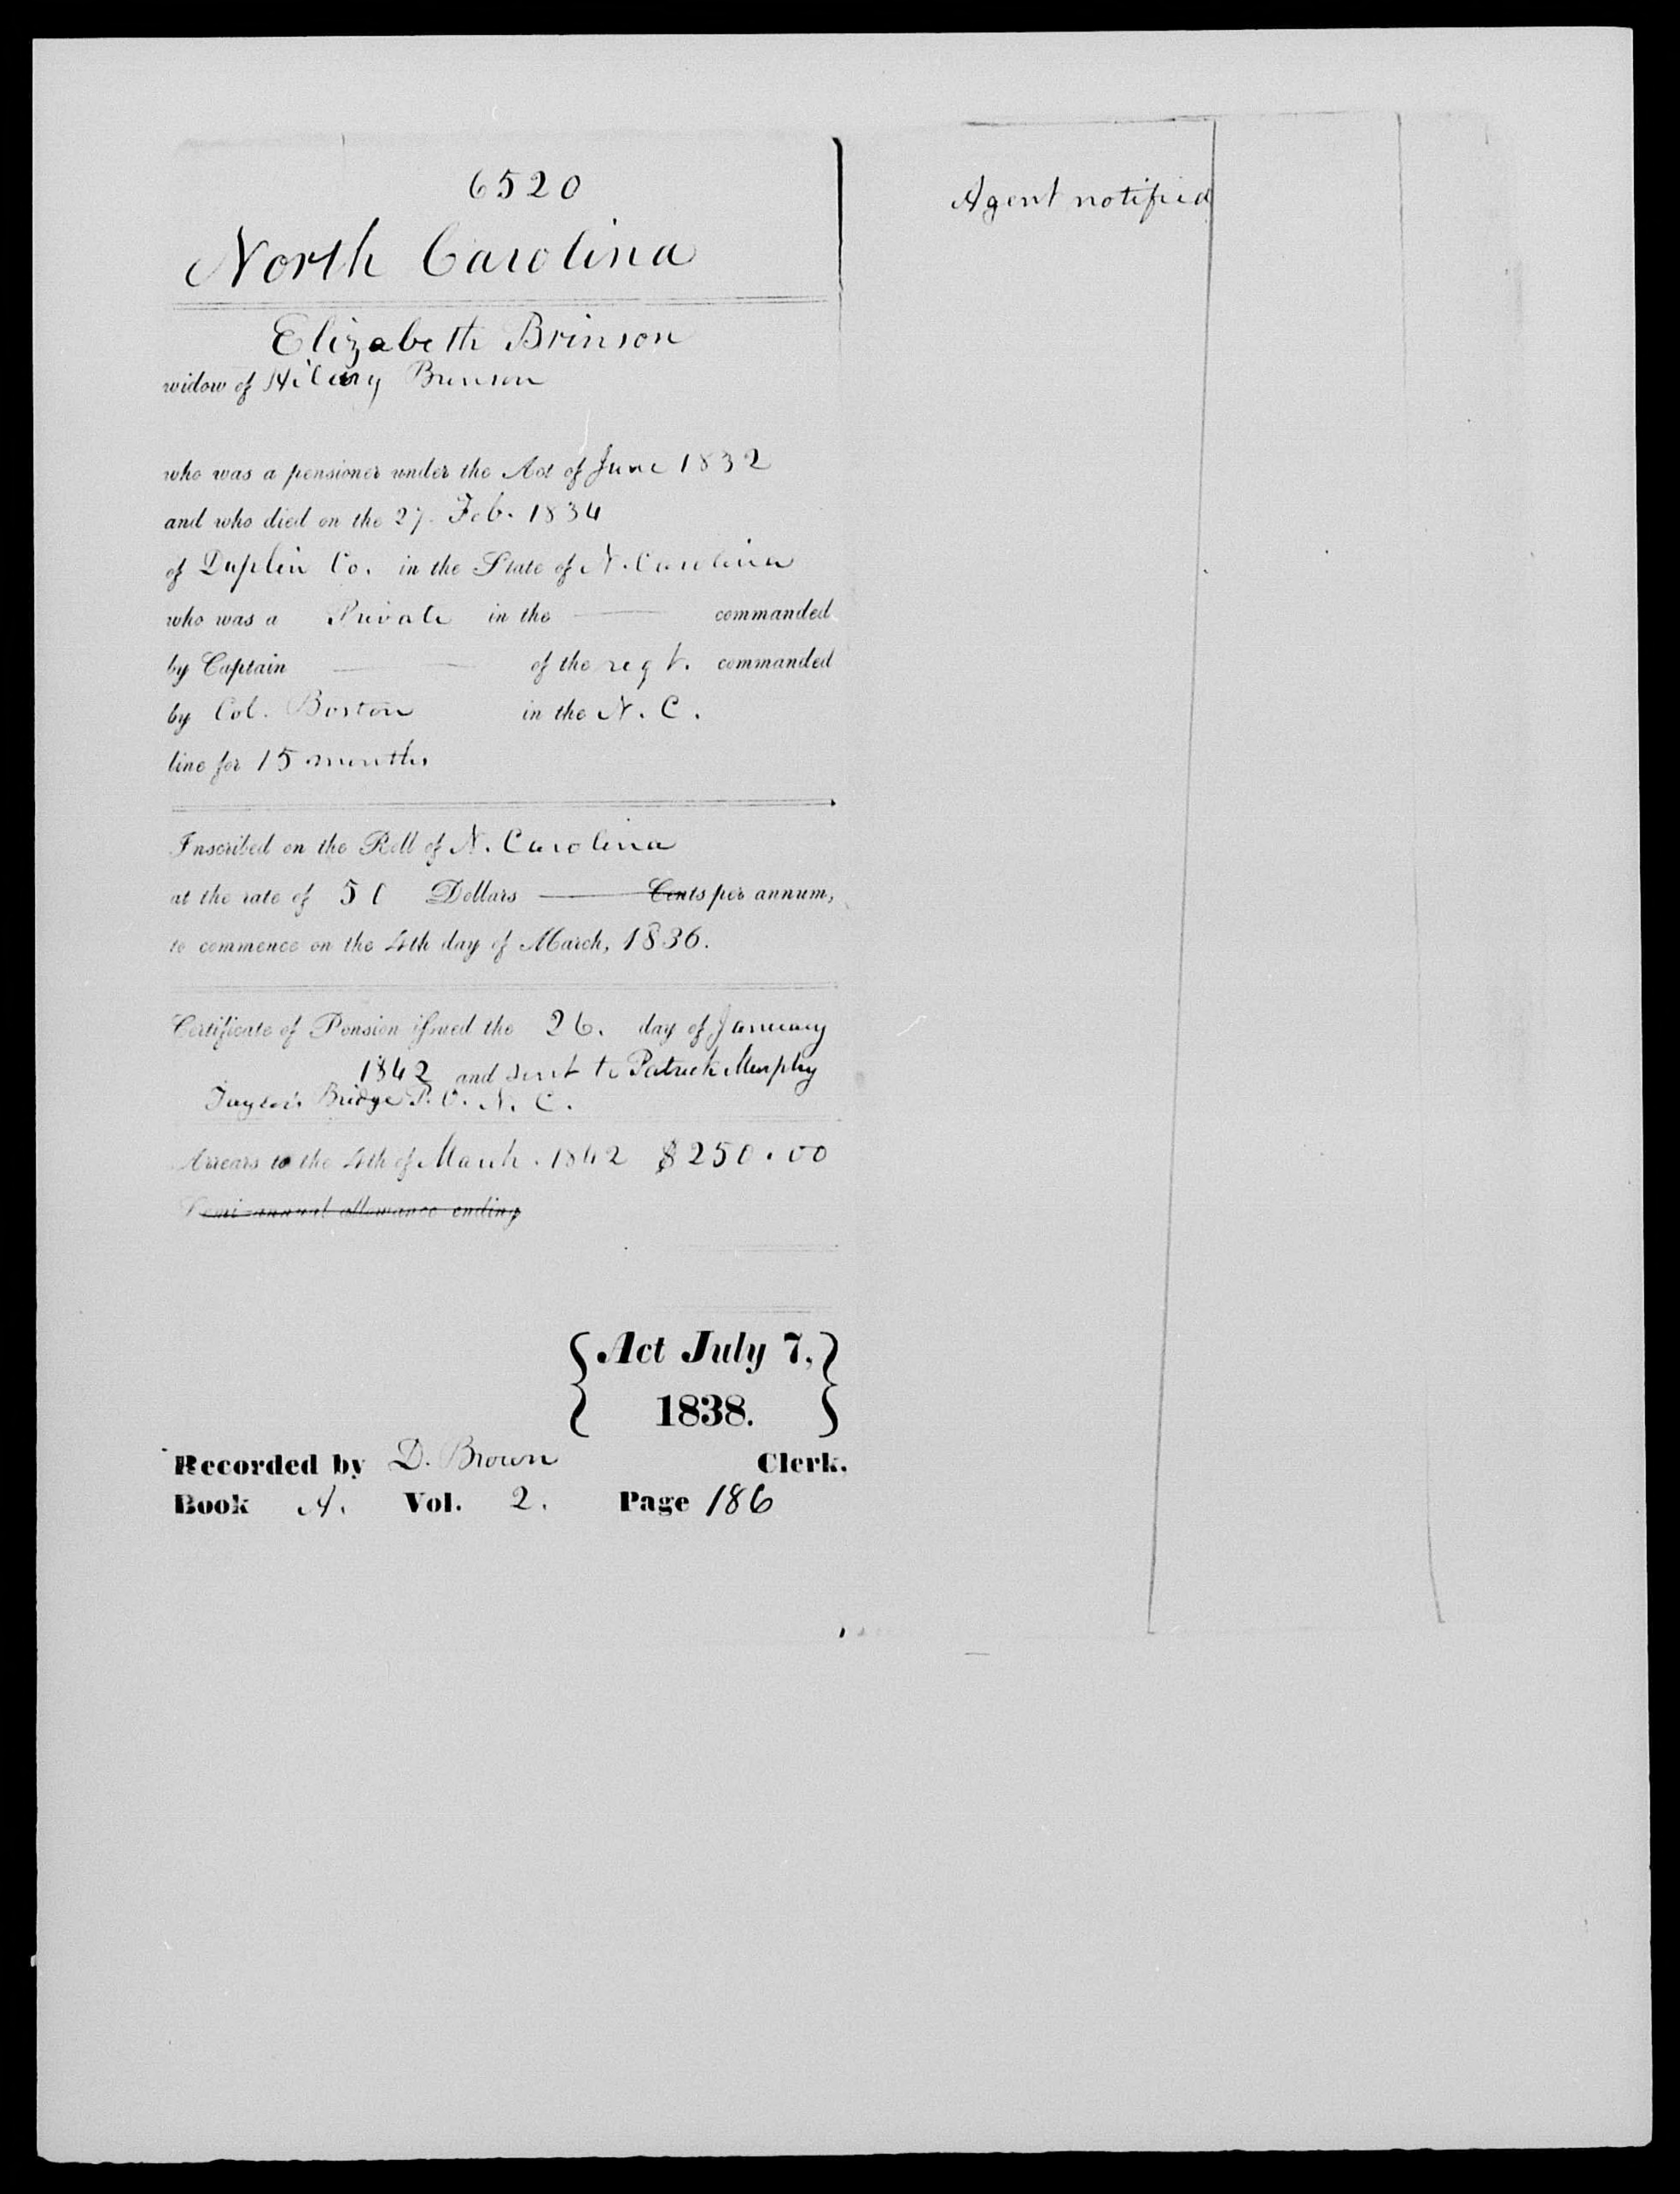6520
North Carolina
Elizabeth Brinson
widow of Hilary Brinson

who was a pensioner under the Act of June 1832
and who died on the 27 FEb. 1834
of Duplin Co. in the State of N.Carolina
who was a Private in the --- commanded
by Captain ---- of the regt commanded
by Col. Boston in the N.C.
line for 15 months.

Inscribed on the Roll of N.Carolina
at the rate of 50 Dollars - Cents per annum,
to commence on the  4th day of March, 1836.

Certificate of Pension issued the 26 day of January
1842 and sent to Patrick Murphy
Taylor's Bridge P.O. N.C.

Arrears to the 4th of arch 1842 $250.00
[crossed out- Semi-annual allowance ending]

{Act July 7,1838}
Recorded by D. Brown Clerk,
Book A. Vol. 2, Page 186

[right side of page]
Agenty notified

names: Patrick Murphy, Hilary Brinson, D Brown, Boston, Elizabeth Brinson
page: 18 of 38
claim: widow's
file: W. 5231, Hilary Brinson, N.C.